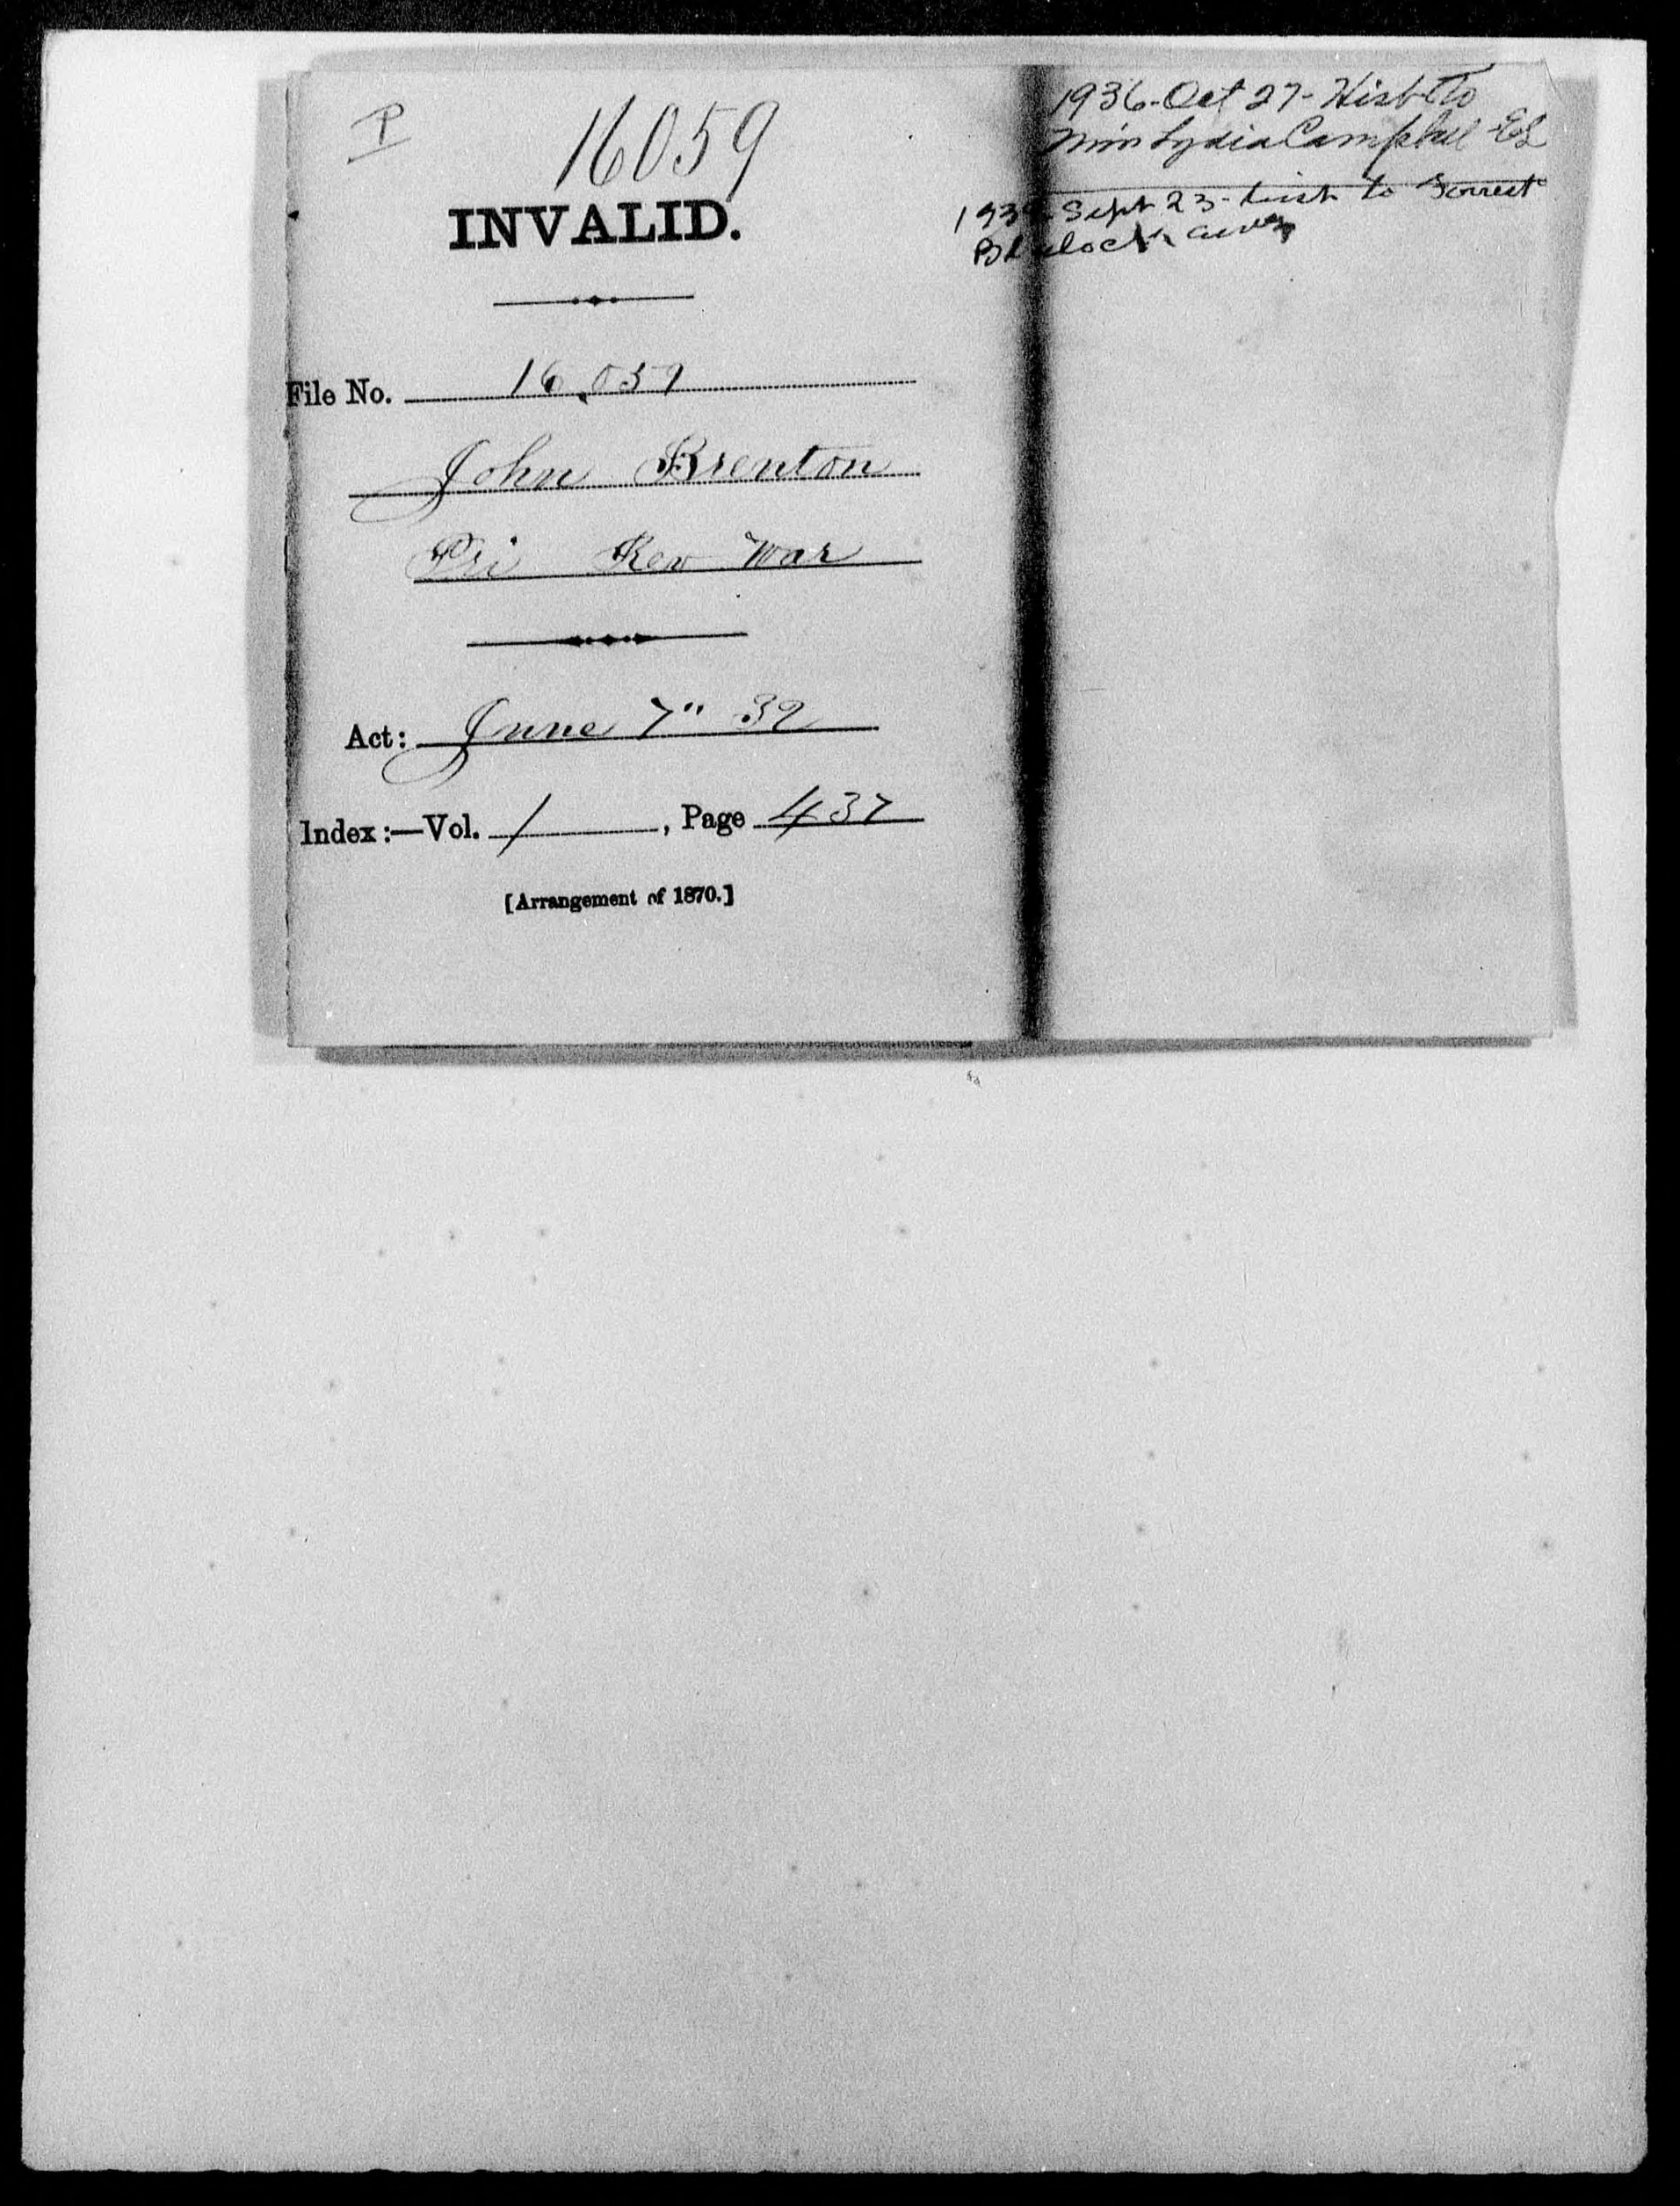[text on left side of document:]
16059
INVALID.
File No. 16059
John Brenton
Pri Rev War
Act: June 7"32
Index:--Vol. 1, Page 437
[Arrangement of 1870.]

[text on right side:]
1936 - Oct 27 - Hist to Mrs. Lydia Campbell EL
193? Sept 23 -- Hist to Forrest C [illegible]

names: Forrest Blalock, John Brenton, Lydia Campbell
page: 18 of 26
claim: survivor's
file: S. 16059, John Brenton, Penn. Va.